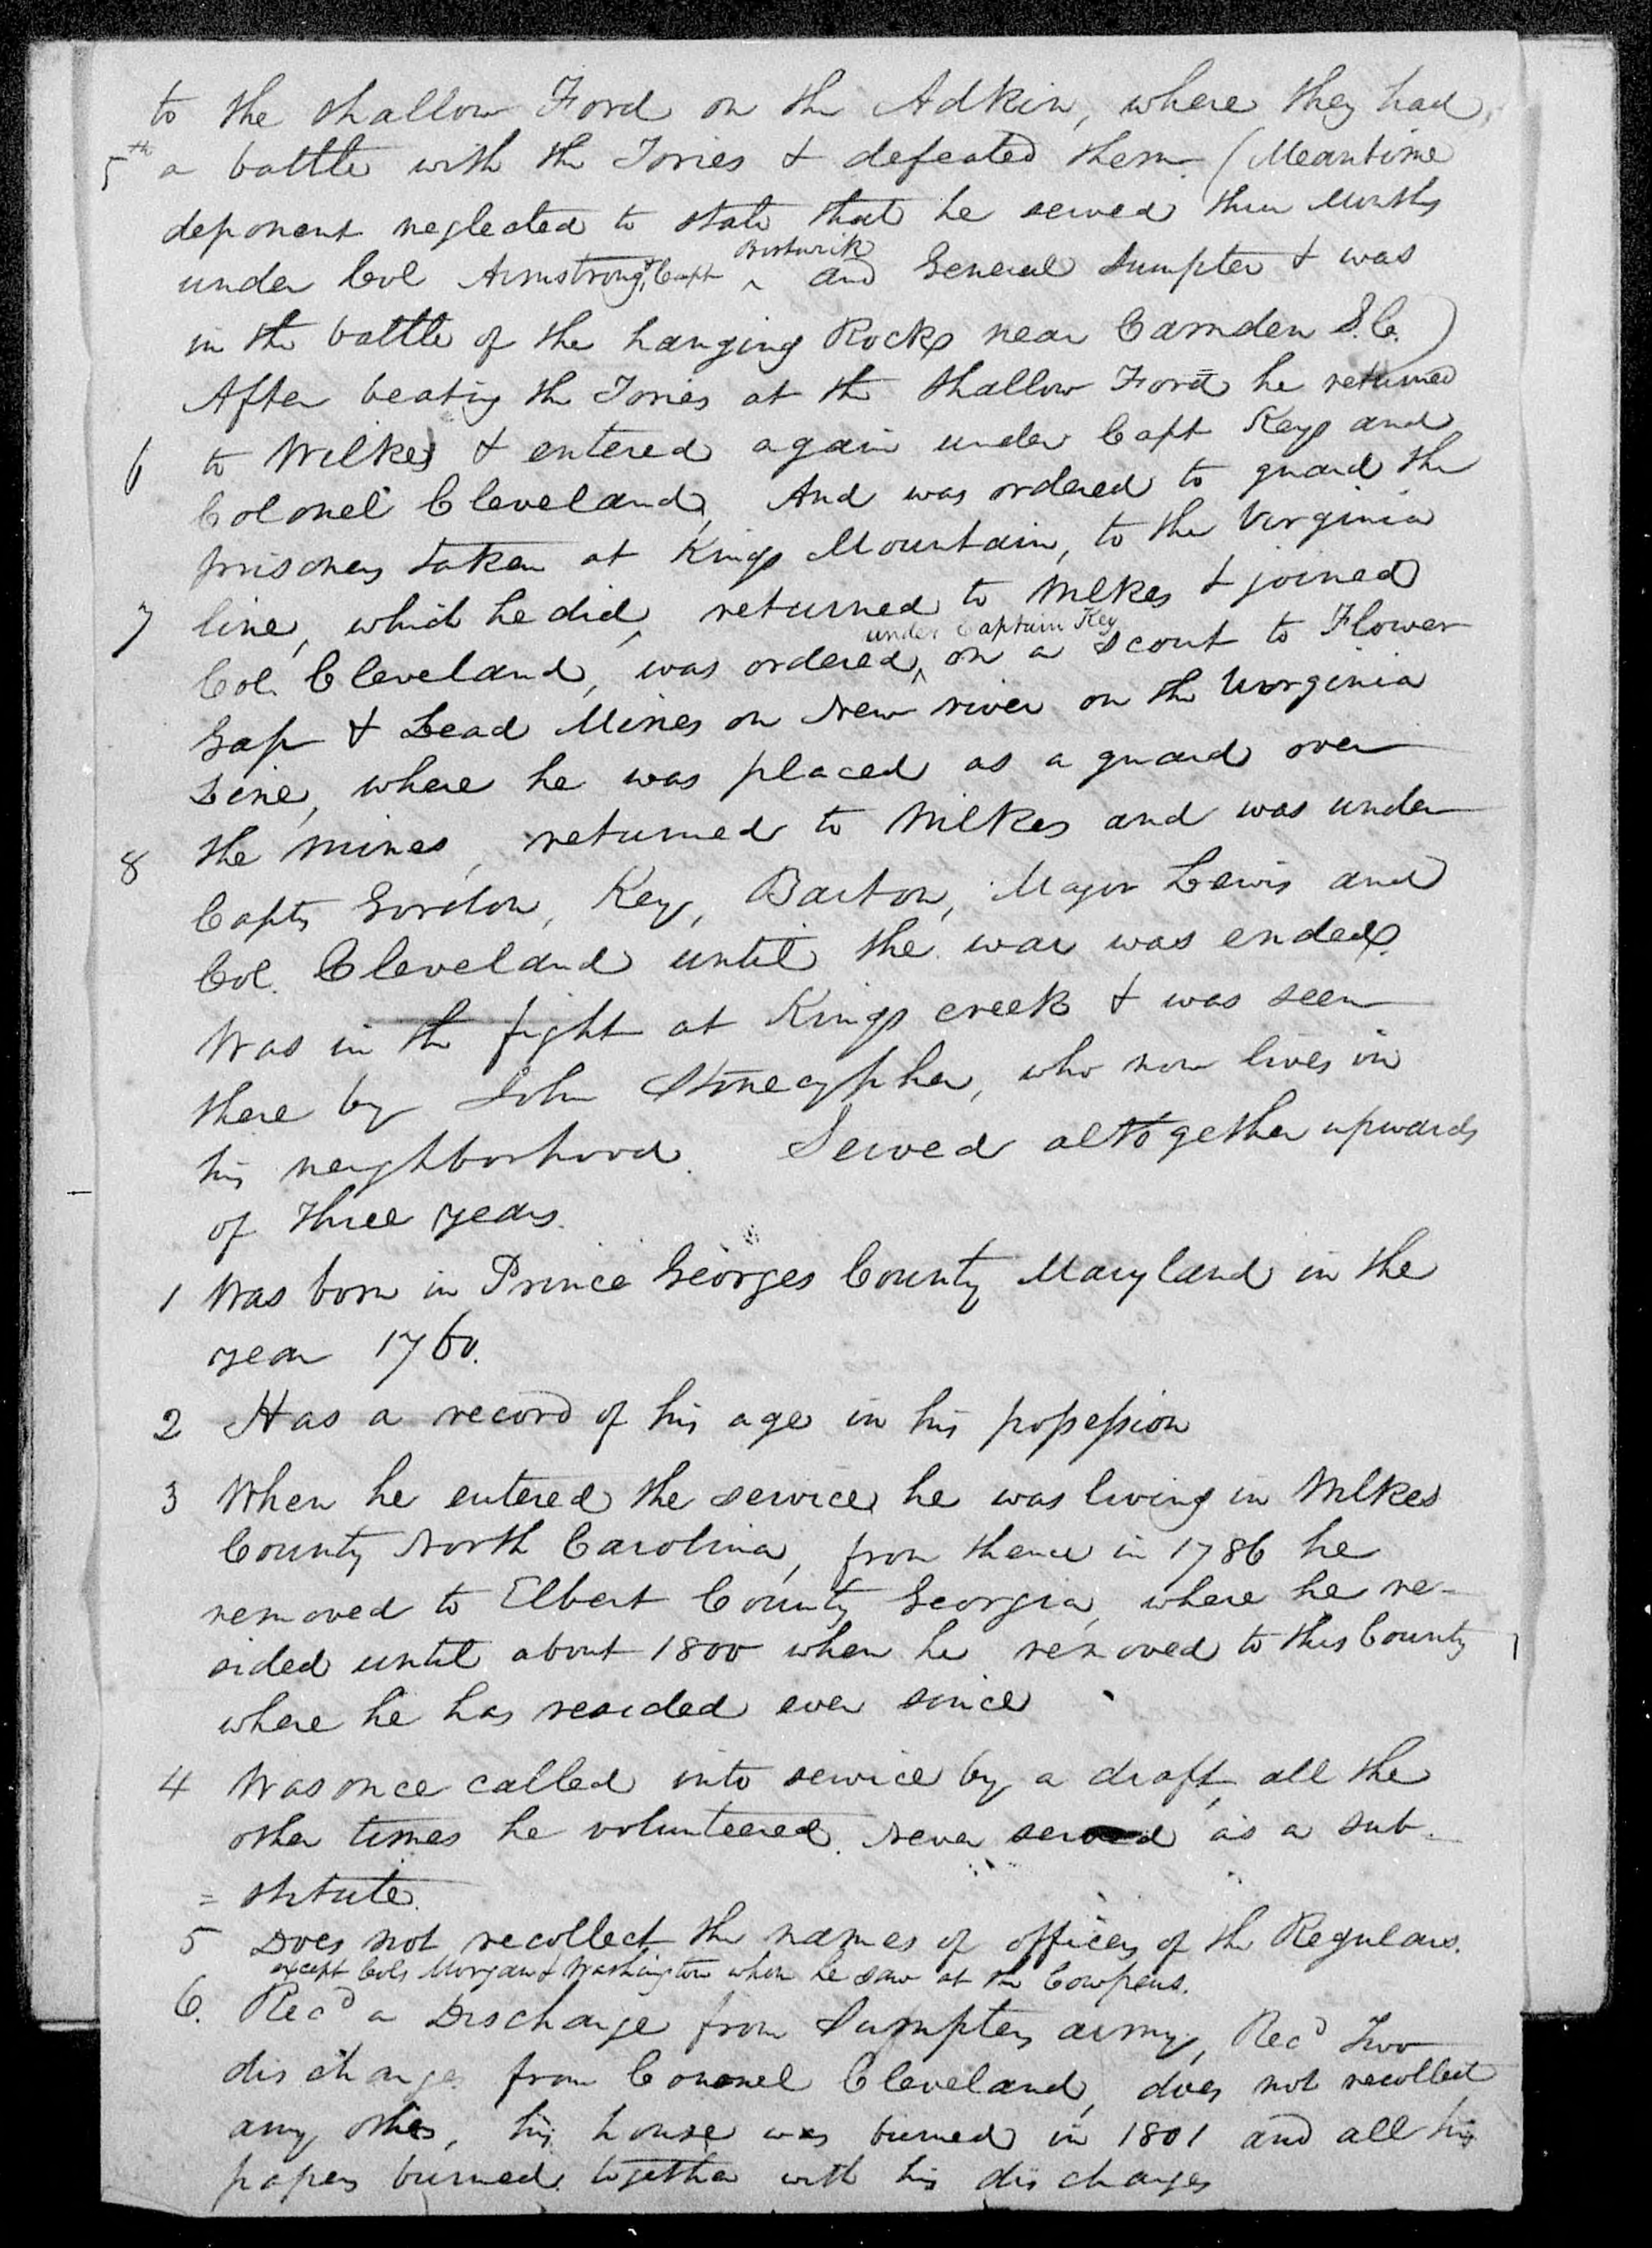to the shallow Ford on the Adkin, where they had a battle with the Tories & defeated them/Meantime deponent neglected to state he served them early under Col Armstrong,& Capt. ^Bostwick and General Sumpter & was in the battle of the hanging Rock near Camden S.C. After beating the Tories at the Shallow Ford he returned to Wilkes & entered again under Capt Keys and Colonel Cleveland And was ordered to guard the prisoners taken at Kings Mountain, to the Virginia line, which he did returned to Wilkes & joined Col. G Cleveland, was ordered ^ under Captain Key on a scout to Flower Gap & Lead Mines on Neuse river on the Virginia Line, where he was placed as a guard over the mines, returned to Wilkes and was under Capt Sumpter, Keys, Barton, Major Lewis and Col Cleveland until the war was ended Was in the fight at Kings creek & was seen there by John Stonecypher, who now lives in his neighborhood. Served altogether upwards of three years. 
1 Was born in Prince Georges County Maryland in the year 1760.
2 Has a record of his age in his possession 
3 When he entered the service he was living in Wilkes County North Carolina, from thence in 1786 he removed to Elbert County Georgia, where he resided until about 1800 when he removed to Elbert County where he has resided ever since
4 Was once called into service by a draft all the other times he volunteered served as a substitute 
5 Does not recollect the names of officers of the Regulars except Col Morgan & Washington whom he saw at the Cowpens. 
6 Recd a Discharge from Sumpter army, Recd Two discharges from Coronel G. Cleveland, does not recollect any others, His house was burned in 1801 and all his papers burned together with his discharges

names: Cleveland, Barton, Keys, John Stonecypher, Key, Washington, Gordon, Cleveland, Lewis, Bostwick, Morgan, Sumpter, Cleveland, Armstrong, Cleveland, Key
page: 6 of 51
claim: widow's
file: W. 929, William Glover, N.C.